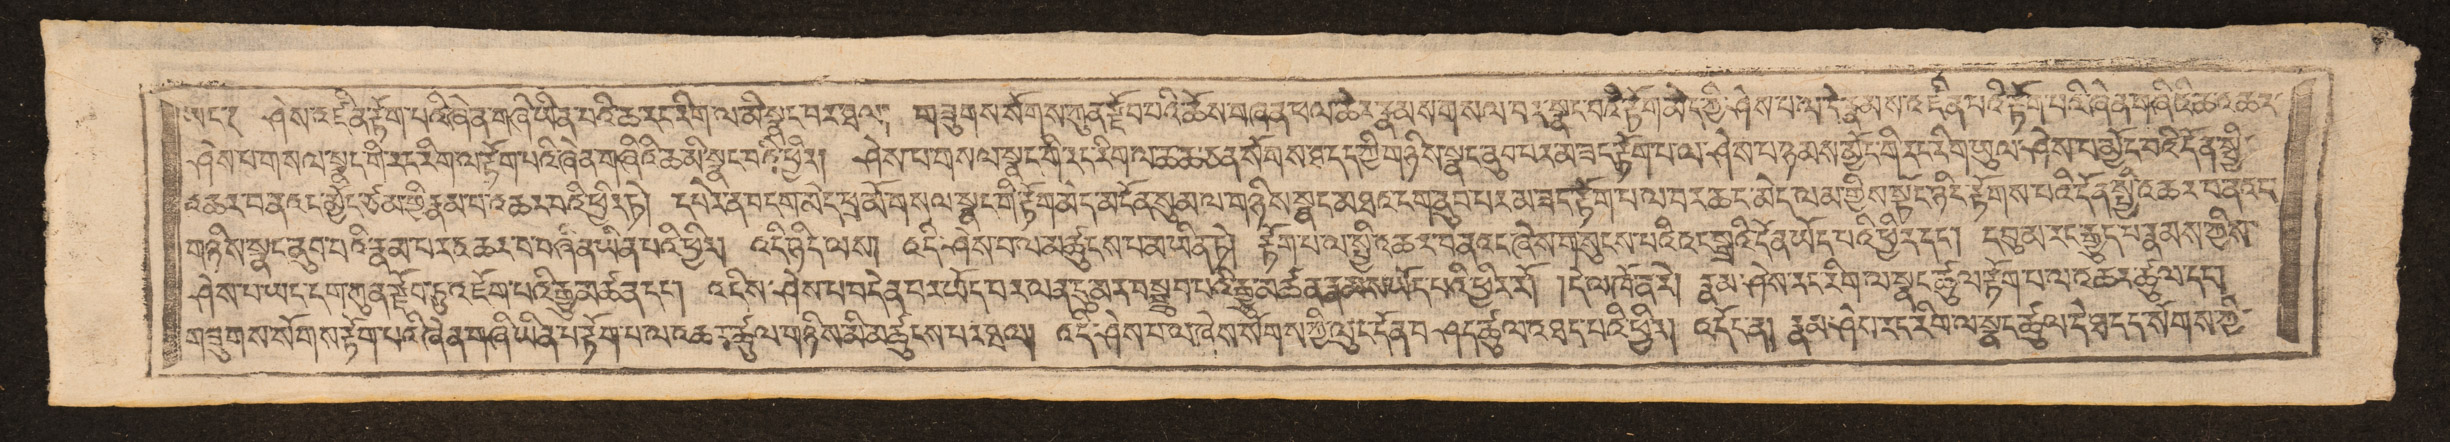ཡང༑ ཤེས་འཛིན་རྟོག་པའི་ཞེན་གཞི་ཡིན་པའི་ཆ་དང་རིག་ལ་མི་སྣང་བར་ཐལ། གཟུགས་སོགས་ཀུན་རྫོབ་པའི་ཆོས་བཞན་ཕལ་ཆེར་རྣམས་གསལ་བར་སྣང་བའི་རྟོག་མེད་ཀྱི་ཤེས་པ་ལ་དེ་རྣམས་འཛིན་པའི་རྟོག་པའི་ཞེན་གཞིའི་ཆ་འཆར་
ཤེས་བ་གསལ་སྣང་གི་རང་རིག་ལ་རྟོག་པའི་ཞེན་གཞིའི་ཆ་མི་སྣང་བའི་ཕྱིར། ཤེས་པ་གསལ་སྣང་གི་རང་རིག་ལ་ཆ་ཆ་ཅན་སོགས་ཐ་དད་ཀྱི་གཉིས་སྣང་ནུབ་པར་མ་ཟད་རྟོག་པ་ལ་ཤེས་པ་ཉམས་མྱོང་གི་རང་རིག་ཡུལ་ཤེས་པ་མྱོང་བའི་དོན་སྤྱི་
འཆར་བ་ནའང་མྱོང་ཙམ་གྱི་རྣམ་པ་འཆར་བའི་ཕྱིར་ཏེ། དཔེར་ན་བདག་མེད་ཕྲ་མོ་གསལ་སྣང་གི་རྟོག་མེད་མངོན་སུམ་ལ་གཉིས་སྣང་མཐའ་དག་ནུབ་པར་མ་ཟད་རྟོག་པ་ལ་བར་ཆད་མེད་ལམ་གྱིས་སྟོང་ཉིད་རྟོགས་པའི་དོན་སྤྱི་འཆར་བ་ནའང་
གཉིས་སྣང་ནུབ་པའི་རྣམ་པར་འཆར་བ་བཞིན་ཡིན་པའི་ཕྱིར། འདི་ཉིད་ལས། འདི་ཤེས་པ་ལ་མཚུངས་པ་མ་ཡིན་ཏེ། རྟོག་པ་ལ་སྤྱི་འཆར་བ་ནའང་ཞེས་གསུངས་པའི་འང་སྒྲའི་དོན་ཡོད་པའི་ཕྱིར་དང་། དབུ་མ་རང་རྒྱུད་པ་རྣམས་ཀྱིས་
ཤེས་པ་ཡང་དག་ཀུན་རྫོབ་ཏུ་འཇོག་པའི་རྒྱུ་མཚན་དང་། འདིས་ཤེས་པ་བདེན་པར་ཡོད་པར་ལན་དུ་མར་བསྒྲུབ་པའི་རྒྱུ་མཚན་རྣམས་ཡོད་པའི་ཕྱིར་རོ། །དེ་ལ་ཁོ་ན་རེ། རྣམ་ཤེས་རང་རིག་ལ་སྣང་ཚུལ་རྟོག་པ་ལ་འཆར་ཚུལ་དང་།
གཟུགས་སོགས་རྟོག་པའི་ཞེན་བཞི་ཡིན་པ་རྟོག་པ་ལ་འཆར་ཚུལ་གཉིས་མི་མཚུངས་པར་ཐལ། འདི་ཤེས་པ་ལ་ཞེས་སོགས་ཀྱི་ལུང་དོན་བཤད་ཚུལ་འཐད་པའི་ཕྱིར། འདོད་ན། རྣམ་ཤེས་རང་རིག་ལ་སྣང་ཚུལ་དེ་ཐ་དད་སོགས་ཀྱི་